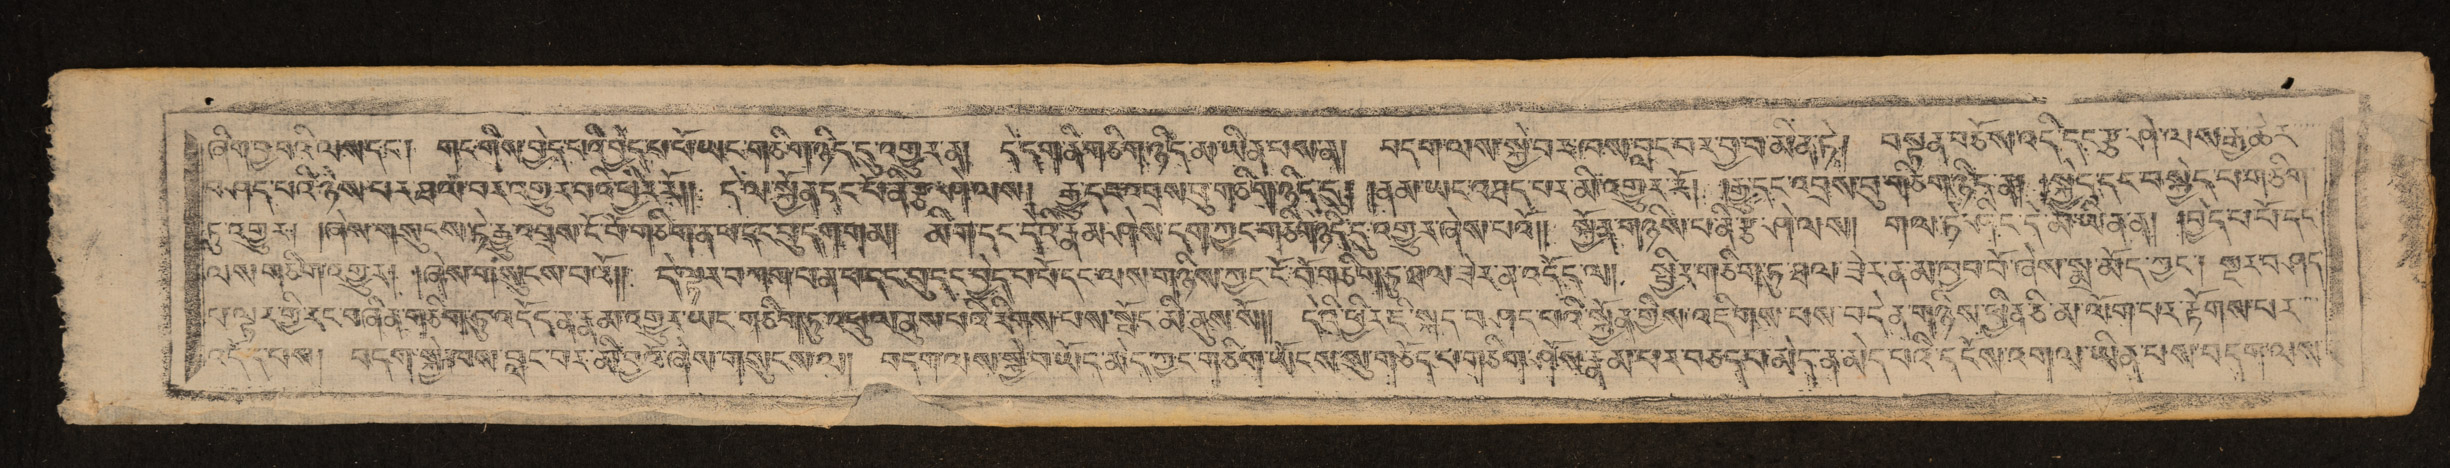ཞིག་བྱ་བའི་ལས་དང་། གང་གིས་བྱེད་པའི་བྱེད་པ་པོ་ཡང་གཅིག་ཉིད་དུ་འགྱུར་ན། དེ་དག་ནི་གཅིག་ཉིད་མ་ཡིན་པས་ན། བདག་ལས་སྐྱེ་བར་ཁས་བླང་བར་བྱ་བ་མིན་ཏེ། བསྟན་བཅོས་འདི་དང་རྩ་ཤེ་ལས་རྒྱ་ཆེར་
བཤད་པའི་ཉེས་པར་ཐལ་བར་འགྱུར་བའི་ཕྱིར་རོ།། དེ་ལ་སྐྱོན་དང་པོ་ནི་རྩ་ཤེ་ལས། རྒྱུ་དང་འབྲས་བུ་གཅིག་ཉིད་དུ། །ནམ་ཡང་འཐད་པར་མི་འགྱུར་རོ། །རྒྱུ་དང་འབྲས་བུ་གཅིག་ཉིད་ན། །སྐྱེད་དང་བསྐྱེད་པ་གཅིག་
ཏུ་འགྱུར། །ཞེས་གསུངས་ཏེ་རྒྱུ་འབྲས་ངོ་བོ་གཅིག་ན་ཕ་དང་བུ་དག་གམ། མིག་དང་དེའི་རྣམ་ཤེས་དག་ཀྱང་གཅིག་ཉིད་དུ་འགྱུར་ཞེས་པའོ།། སྐྱོན་གཉིས་པ་ནི་རྩ་ཤེ་ལས། གལ་ཏེ་ཤིང་དེ་མེ་ཡིན་ན། །བྱེད་པ་པོ་དང་
ལས་གཅིག་འགྱུར། །ཞེས་གསུངས་པའོ།། དེ་ལྟར་བཀག་པ་ན་ཕ་དང་བུ་དང་བྱེད་པ་པོ་དང་ལས་གཉིས་ཀྱང་ངོ་བོ་གཅིག་ཏུ་ཐལ་ཟེར་ན་འདོད་ལ། སྤྱིར་གཅིག་ཏུ་ཐལ་ཟེར་ན་མ་ཁྱབ་བོ་ཞེས་སྨྲ་མོད་ཀྱང་། སྔར་བཤད་
པ་ལྟར་གྱི་རང་བཞིན་གཅིག་ཏུ་འདོད་ན་རྣམ་འགྱུར་ཡང་གཅིག་ཏུ་འཕུལ་ནུས་པའི་རིགས་པས་སྤོང་མི་ནུས་སོ།། དེའི་ཕྱིར་ཇི་སྐད་བཤད་པའི་སྐྱོན་གྱིས་འཇིགས་པས་བདེན་གཉིས་ཕྱིན་ཅི་མ་ལོག་པར་རྟོགས་པར་
འདོད་པས། བདག་སྐྱེ་ཁས་བླང་བར་མི་བྱའོ་ཞེས་གསུངས་ལ། བདག་ལས་སྐྱེ་བ་ཡོད་མེད་ཀྱང་གཅིག་ཡོངས་སུ་གཅོད་པ་གཅིག་ཤོས་རྣམ་པར་བཅད་པ་མེད་ན་མེད་པའི་དངོས་འགལ་ཡིན་པས་བདག་ལས་